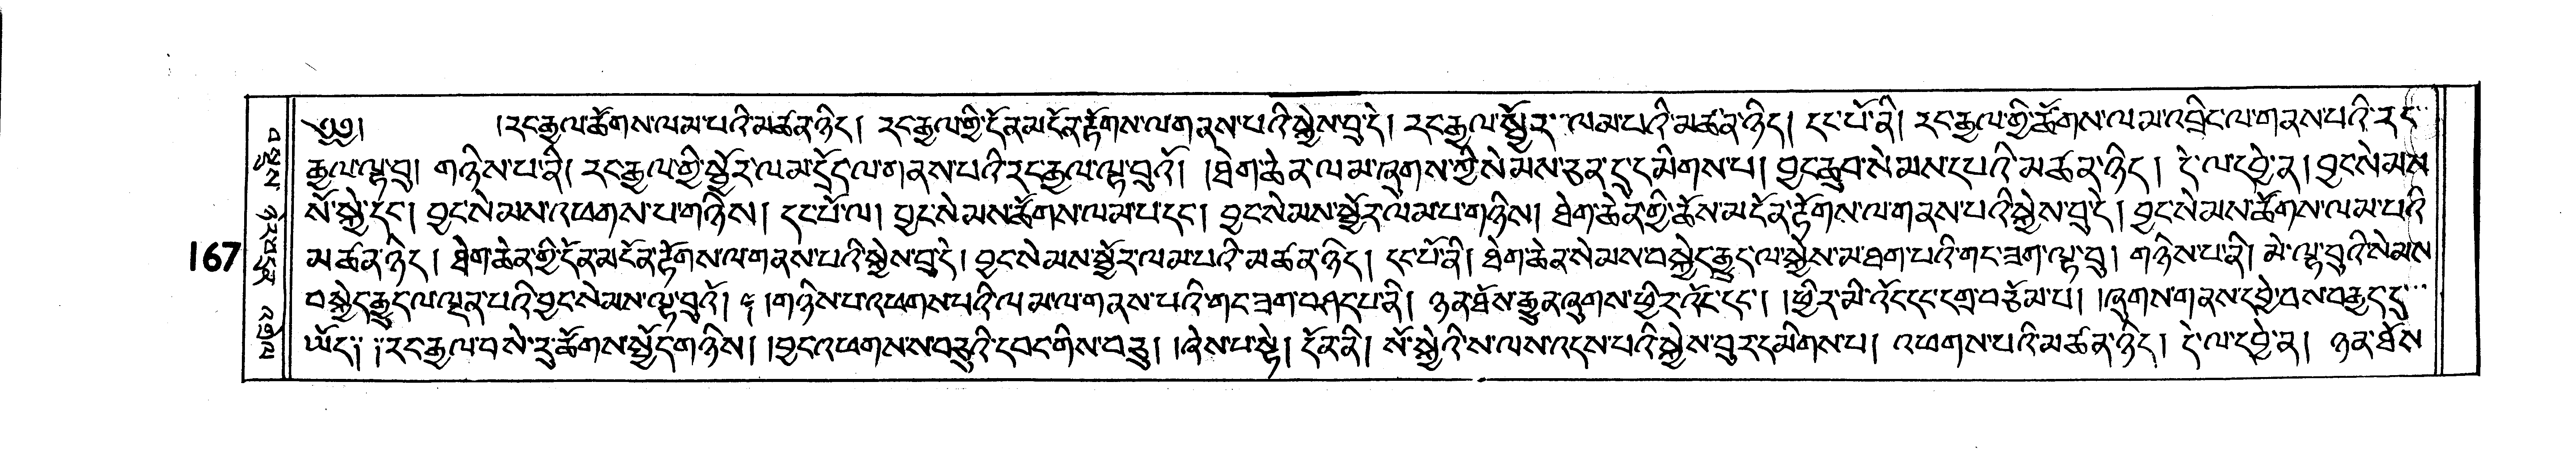༄༅། །རང་རྒྱལ་ཚོགས་ལམ་པའི་མཚན་ཉིད། རང་རྒྱལ་གྱི་དོན་མངོན་རྟོགས་ལ་གནས་པའི་སྐྱེས་བུ་དེ། རང་རྒྱལ་སྦྱོར་ལམ་པའི་མཚན་ཉིད། དང་པོ་ནི། རང་རྒྱལ་གྱི་ཚོགས་ལམ་འབྲིང་ལ་གནས་པའི་རང་
རྒྱལ་ལྟ་བུ། གཉིས་པ་ནི། རང་རྒྱལ་གྱི་སྦྱོར་ལམ་དྲོད་ལ་གནས་པའི་རང་རྒྱལ་ལྟ་བུའོ། །ཐེག་ཆེན་ལམ་ཞུགས་ཀྱི་སེམས་ཅན་དུ་དམིགས་པ། བྱང་ཆུབ་སེམས་དཔའི་མཚན་ཉིད། དེ་ལ་དབྱེ་ན། བྱང་སེམས་
སོ་སྐྱེ་དང་། བྱང་སེམས་འཕགས་པ་གཉིས། དང་པོ་ལ། བྱང་སེམས་ཚོགས་ལམ་པ་དང་། བྱང་སེམས་སྦྱོར་ལམ་པ་གཉིས། ཐེག་ཆེན་གྱི་ཆོས་མངོན་རྟོགས་ལ་གནས་པའི་སྐྱེས་བུ་དེ། བྱང་སེམས་ཚོགས་ལམ་པའི་
མཚན་ཉིད། ཐེག་ཆེན་གྱི་དོན་མངོན་རྟོགས་ལ་གནས་པའི་སྐྱེས་བུ་དེ། བྱང་སེམས་སྦྱོར་ལམ་པའི་མཚན་ཉིད། དང་པོ་ནི། ཐེག་ཆེན་སེམས་བསྐྱེད་རྒྱུད་ལ་སྐྱེས་མ་ཐག་པའི་གང་ཟག་ལྟ་བུ། གཉིས་པ་ནི། མེ་ལྷ་བུའི་སེམས་
བསྐྱེད་རྒྱུད་ལ་ལྡན་པའི་བྱང་སེམས་ལྟ་བུའོ། ༈ །གཉིས་པ་འཕགས་པའི་ལམ་ལ་གནས་པའི་གང་ཟག་བཤད་པ་ནི། ཉན་ཐོས་རྒྱུན་ཞུགས་ཕྱིར་འོང་དང་། །ཕྱིར་མི་འོང་དང་དགྲ་བཅོམ་པ། །ཞུགས་གནས་དབྱེ་བས་བརྒྱད་དུ་
ཡོད༑ ༑རང་རྒྱལ་བསེ་རུ་ཚོགས་སྤྱོད་གཉིས། །བྱང་འཕགས་བཅུའི་དབང་གིས་བཅུ། །ཞེས་པ་སྟེ། དོན་ནི། སོ་སྐྱེའི་ས་ལས་འདས་པའི་སྐྱེས་བུར་དམིགས་པ། འཕགས་པའི་མཚན་ཉིད། དེ་ལ་དབྱེ་ན། ཉན་ཐོས་